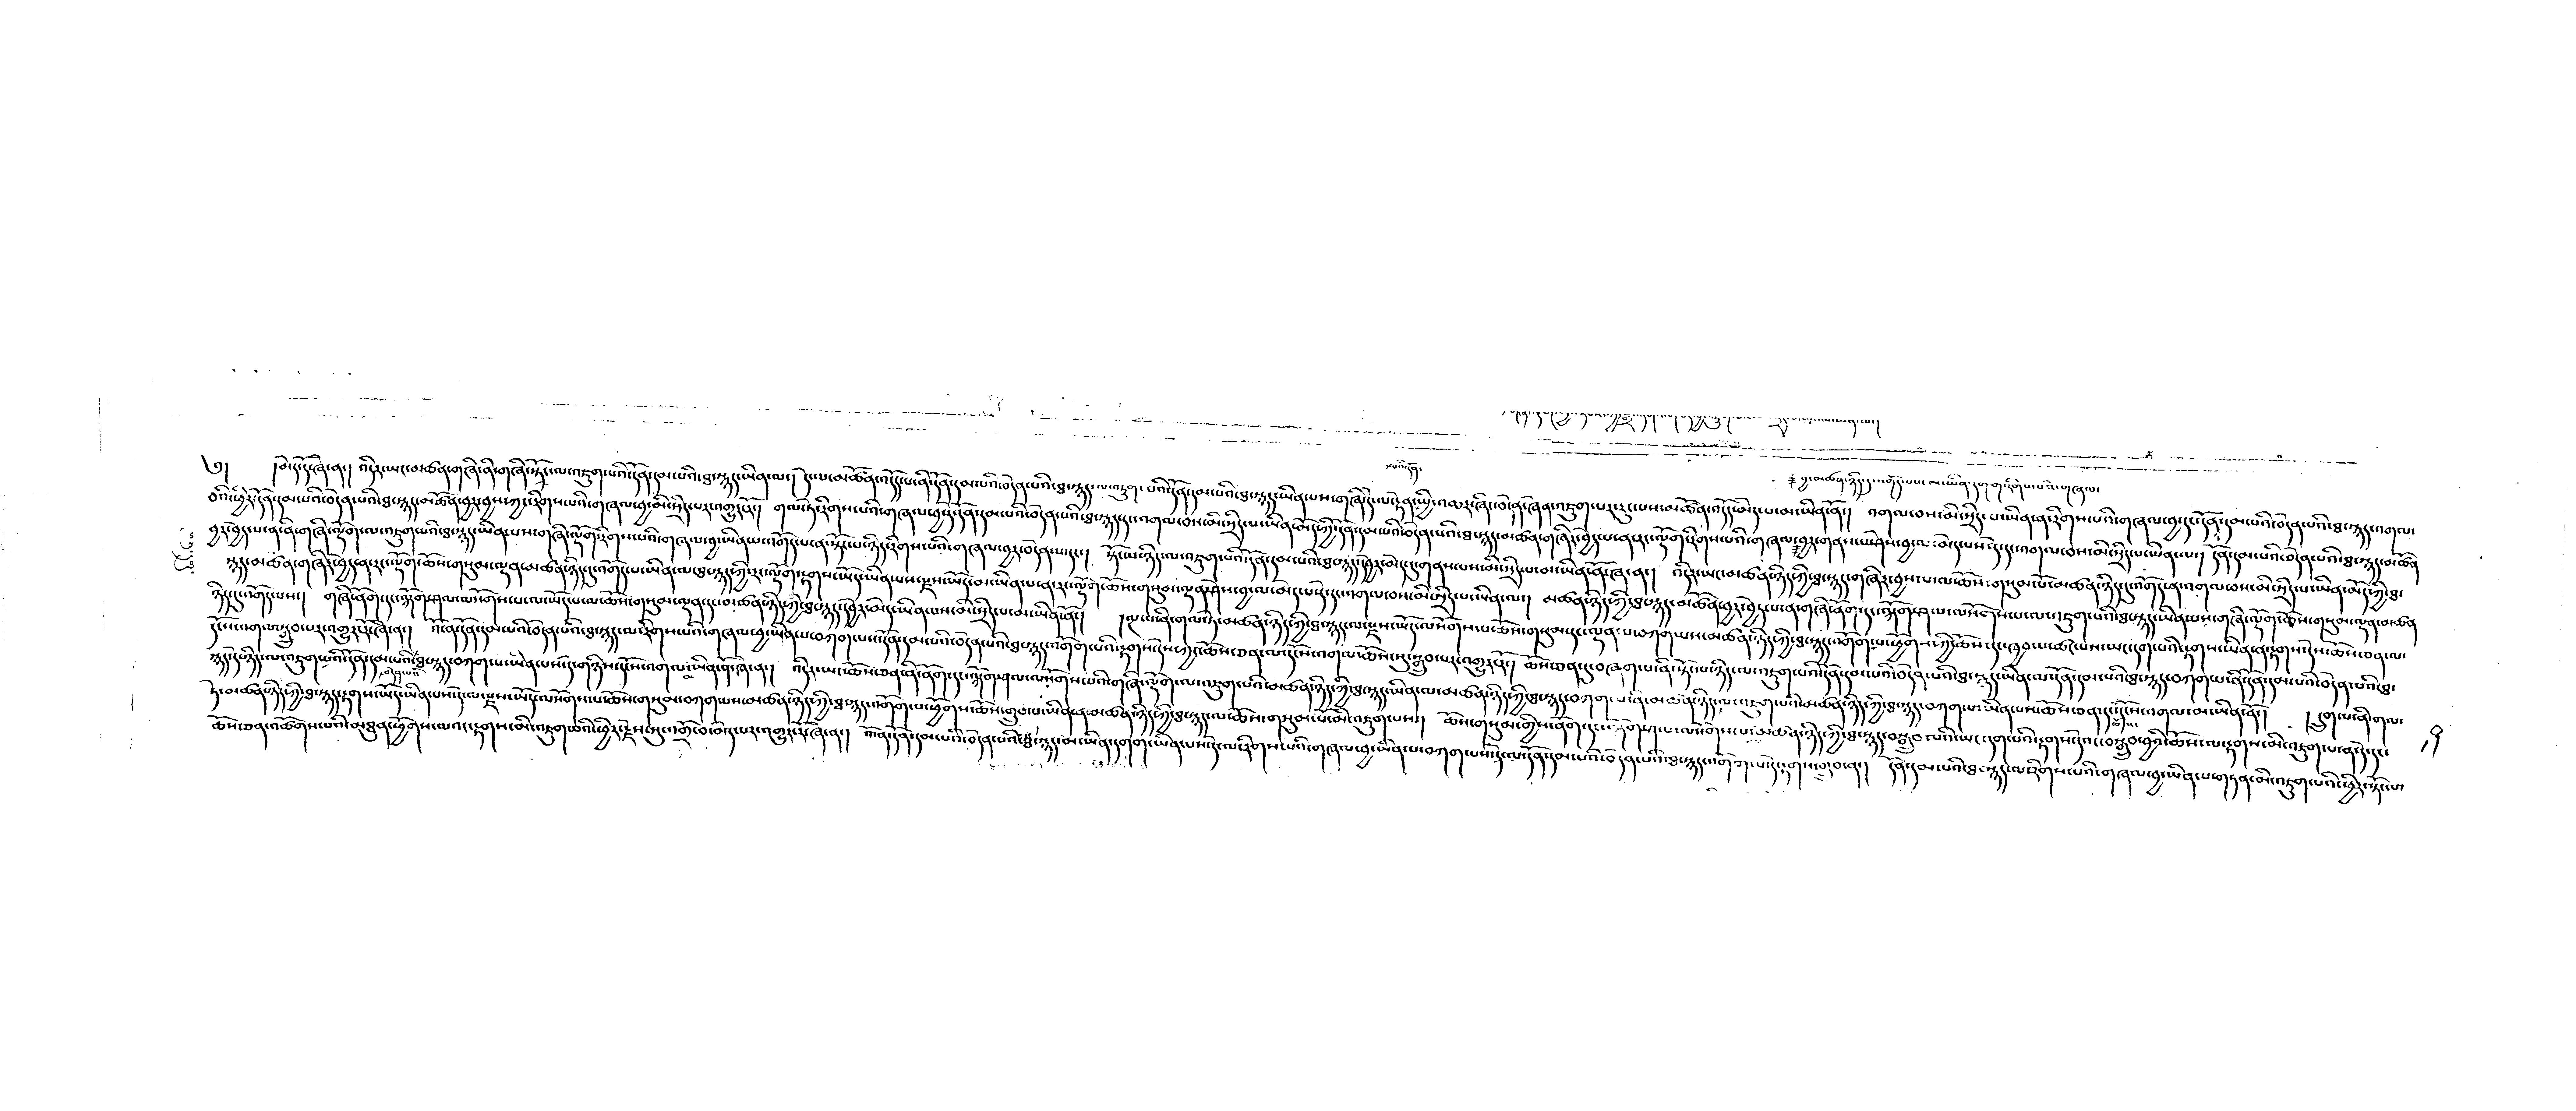༈། །མེད་དོ་ཞེ་ན། འདིར་ཡང་མཚན་གཞི་ནི་གཞི་སྟོང་ལ་འཇུག་པའི་དོན་དམ་པའི་ཐ་སྙད་ཡིན་མ། དེ་ལ་མཚོན་འདོད་པ་ནི་དོན་དམ་པའི་བདེན་པའི་ཐ་སྙད་ལ་འཇུག་པའི་དོན་དམ་པའི་ཐ་སྙད་ཡིན་པས་གཞི་དེ་ལ་རྟེན་པའི་དོན་སྤྱི་འཆར་ཞིང་བདེན་ཞེན་འཇུག་པར་རུང་པས་མཚོན་འདོད་མེད་པ་མ་ཡིན་ནོ། འགལ་བས་མི་སྲིད་པ་ཡིན་ན་རིགས་པའི་གཞལ་བྱ་དང་དོན་དམ་པའི་བདེན་པའི་ཐ་སྙད་འགལ་
བའི་ཕྱིར་དོན་དམ་པའི་བདེན་པའི་ཐ་སྙད་མཚོན་བྱར་བྱས་ཀྱང་རིགས་པའི་གཞལ་བྱ་མི་སྲིད་པར་འགྱུར་རོ། གལ་ཏེ་རིགས་པའི་གཞལ་བྱ་དེ་དོན་དམ་པའི་བདེན་པའི་ཐ་སྙད་དང་འགལ་བས་མི་སྲིད་པ་ཡིན་མོད་ཀྱི་དོན་དམ་པའི་བདེན་པའི་ཐ་སྙད་མཚན་གཞིར་བྱེད་པ་ན་རང་ལྡོག་རིགས་པའི་གཞལ་བྱ་མཚན་ཉིད་དུ་འགོད་པས་མ་ཡིན་དགག་རིགས་པའི་གཞལ་བྱར་གནས་པ་ཤེས་བྱ་ལ་མེད་པས་དེ་དང་འགལ་བས་མི་སྲིད་པ་ཡིན་ལ། དོན་དམ་པའི་བདེན་པའི་ཐ་སྙད་མཚོན་
བྱར་བྱེད་པ་ན་ནི་གཞི་ལྡོག་ལ་འཇུག་པའི་ཐ་སྙད་ཡིན་པས་གཞི་ལྡོག་རིགས་པའི་གཞལ་བྱ་ཡིན་པ་འགོད་པ་ན་སྟོང་པ་ཉིད་རིགས་པའི་གཞལ་བྱར་བདེན་པ་དང་། སྟོང་པ་ཉིད་ལ་འཇུག་པའི་དོན་དམ་པའི་ཐ་སྙད་དབྱེར་མེད་དུ་གནས་པས་མི་སྲིད་པ་མ་ཡིན་ནོ་ཞེ་ན། འདིར་ཡང་མཚན་ཉིད་ཀྱི་ཐ་སྙད་གཞིར་བྱས་པ་ལ་ཆོས་གསུམ་པོ་མཚན་ཉིད་དུ་འགོད་ན་འགལ་བས་མི་སྲིད་པ་ཡིན་མོད་ཀྱི་ཐ་
སྙད་མཚན་གཞིར་བྱེད་ན་རང་ལྡོག་ཆོས་གསུམ་ལྡན་མཚན་ཉིད་དུ་འགོད་པ་ཡིན་མ་ཐ་སྙད་ཀྱི་རང་ལྡོག་རྟགས་ཡོད་ཡིན་པས་རྫས་ཡོད་མ་ཡིན་པ་ན་རང་ལྡོག་ཆོས་གསུམ་ལྡན་ཤེས་བྱ་ལ་མེད་པ་དེ་དང་འགལ་བས་མི་སྲིད་པ་ཡིན་ལ། མཚན་ཉིད་ཀྱི་ཐ་སྙད་མཚོན་བྱར་བྱེད་པ་ན་གཞི་ནོག་དང་ལྐོག་ཤལ་ལ་སོགས་པ་ལ་འཇུག་པའི་ཐ་སྙད་ཡིན་པས་གཞི་ལྡོག་ཆོས་གསུམ་ལྡན་མཚན་
ཉིད་དུ་འགོད་པས། གཞི་ནོག་དང་ལྐོག་ཤལ་ལ་སོགས་པ་ལ་ཡོད་པ་མ་ཆོས་གསུམ་ལྡན་དང་མཚན་ཉིད་ཀྱི་ཐ་སྙད་དབྱེར་མེད་ཡིན་པས་མི་སྲིད་པ་མ་ཡིན་ནོ། །ལྔ་པ་ནི་གལ་ཏེ་མཚན་ཉིད་ཀྱི་ཐ་སྙད་ལ་རྫས་ཡོད་ལ་སོགས་པ་ཆོས་གསུམ་དང་ལྡན་པ་བཀག་པས་མཚན་ཉིད་ཀྱི་ཐ་སྙད་འགོག་པ་ཕྱོགས་ཀྱི་ཆོས་དང་ཁྱབ་པ་ཚང་པས་ཡང་དག་པའི་རྟགས་ཡིན་ན་རྟགས་དེས་ཆོས་ཅན་ལ་
དངོས་འགལ་སྒྲུབ་པར་འགྱུར་རོ་ཞེ་ན། འོ་ན་དོན་དམ་པའི་བདེན་པའི་ཐ་སྙད་མ་རིགས་པའི་གཞལ་བྱ་ཡིན་པ་བཀག་པས་དོན་དམ་པའི་བདེན་པའི་ཐ་སྙད་འགོག་པའི་རྟགས་དེས་ཀྱང་ཆོས་ཅན་ལ་དངོས་འགལ་ཆོས་སུ་སྒྲུབ་པར་འགྱུར་རོ། ཆོས་ཅན་དུ་བཞག་པ་ནི་སྟོང་པ་ཉིད་ལ་འཇུག་པའི་དོན་དམ་པའི་བདེན་པའི་ཐ་སྙད་ཡིན་ལ་དོན་དམ་པའི་ཐ་སྙད་བཀག་པ་ནི་དོན་དམ་པའི་བདེན་པའི་ཐ་
སྙད་དེ་ཉིད་ལ་འཇུག་པའི་དོན་དམ་པའི་བདེན་པའི་ཐ་སྙད་བཀག་པ་ཡིན་པས་དེ་གཉིས་དངོས་འགལ་མ་ཡིན་ནོ་ཞེ་ན། འདིར་ཡང་ཆོས་ཅན་ནི་ནོག་དང་ལྐོག་ཤལ་ལ་སོགས་པའི་གཞི་ལྡོག་ལ་འཇུག་པའི་མཚན་ཉིད་ཀྱི་ཐ་སྙད་ཡིན་མ་མཚན་ཉིད་ཀྱི་ཐ་སྙད་བཀག་པ་ནི་མཚན་ཉིད་ལ་འཇུག་པའི་མཚན་ཉིད་ཀྱི་ཐ་སྙད་བཀག་པ་ཡིན་པས་ཆོས་ཅན་དང་ཆོས་དངོས་འགལ་མ་ཡིན་ནོ། །དྲུག་པ་ནི་གལ་
ཏེ་མཚན་ཉིད་ཀྱི་ཐ་སྙད་རྟགས་ཡོད་ཡིན་པས་དེ་ལ་རྫས་ཡོད་ལ་སོགས་པ་ཆོས་གསུམ་བཀག་པས་མཚན་ཉིད་ཀྱི་ཐ་སྙད་འགོག་པ་ཕྱོགས་ཆོས་གྲུབ་པ་ཡིན་ན་མཚན་ཉིད་ཀྱི་ཐ་སྙད་ལ་ཆོས་གསུམ་པོ་མི་འཇུག་པ་ལ། ཆོས་གསུམ་གྱིས་ནོག་དང་ལྐོག་ཤལ་ལ་སོགས་པ་མཚན་ཉིད་ཀྱི་ཐ་སྙད་བསྒྲུབ་པའི་ཡང་དག་པའི་རྟགས་དེའང་བསྒྲུབ་བྱའི་ཆོས་ལ་རྟགས་མི་འཇུག་པ་ན་དེ་དང་
ཆོས་ཅན་འཚོགས་པའི་མཐུན་ཕྱོགས་མའང་རྟགས་མི་འཇུག་པའི་ཕྱིར་རྗེས་སུ་འགྲོ་བ་མེད་པར་འགྱུར་རོ་ཞེ་ན། འོ་ན་དོན་དམ་པའི་བདེན་པའི་ཐ་སྙད་མ་ཡིན་དགག་ཡིན་པས་དེ་ལ་རིགས་པའི་གཞལ་བྱ་ཡིན་པ་བཀག་པས་དེ་ལ་དོན་དམ་པའི་བདེན་པའི་ཐ་སྙད་འགོག་པ་དེ་རྟགས་གྲུབ་ན། དོན་དམ་པའི་ཐ་སྙད་ལ་རིགས་པའི་གཞལ་བྱ་ཡིན་པ་གཏན་མི་འཇུག་པའི་ཕྱིར་སྟོང་པ་